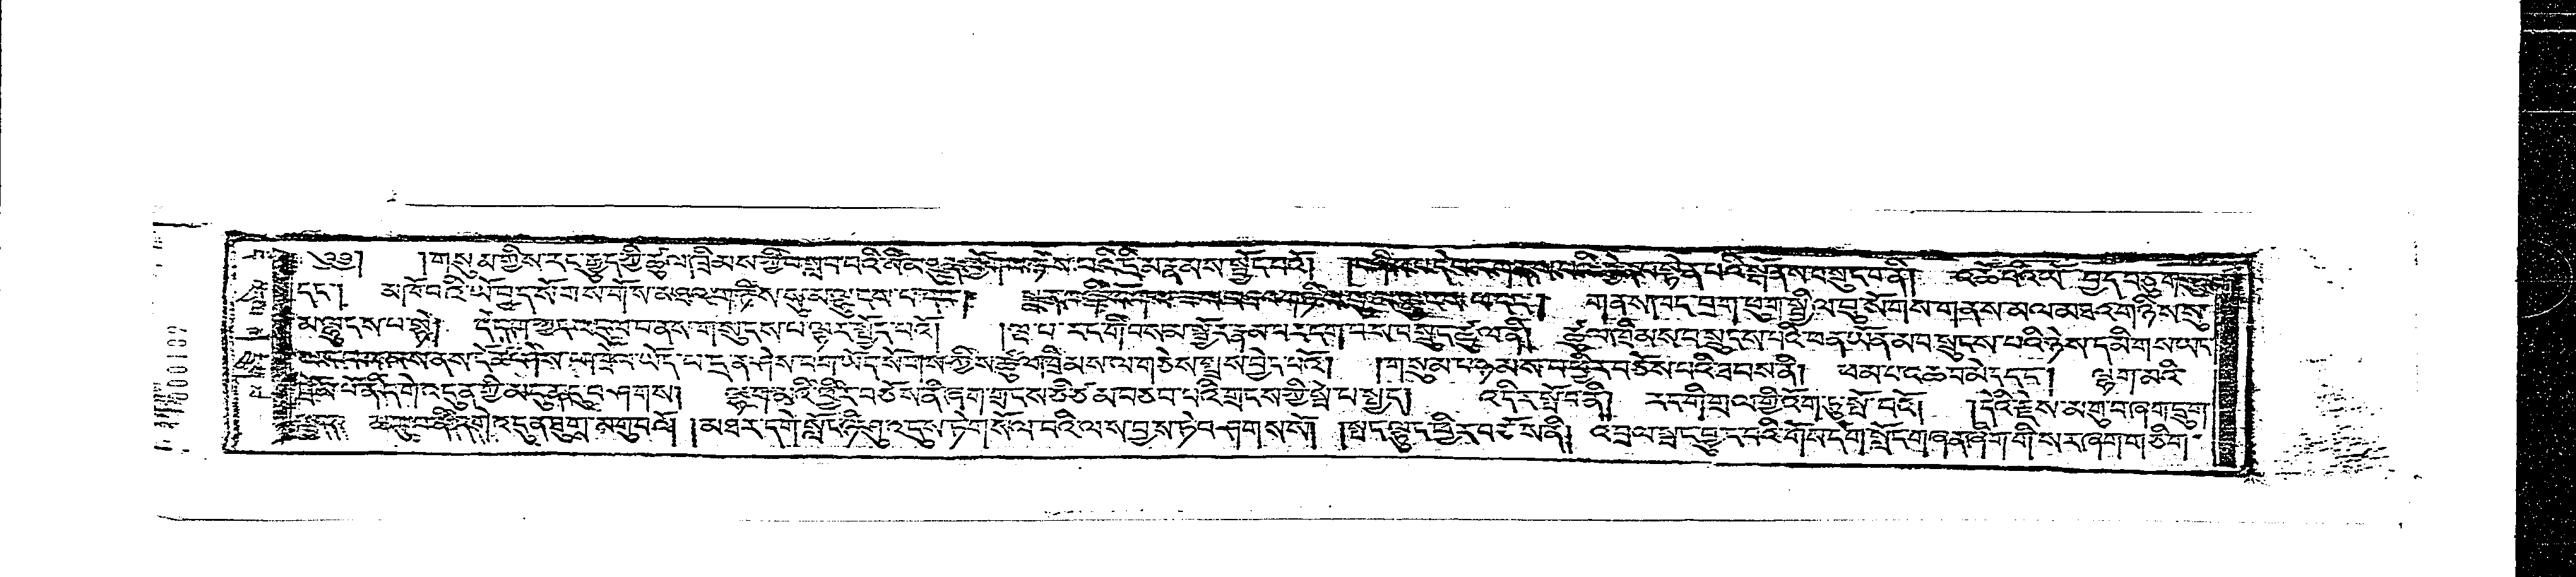༄༅། །གསུམ་གྱིས་རང་རྒྱུད་ཀྱི་ཚུལ་ཁྲིམས་ཀྱི་བསླབ་པའི་མི་མཐུན་ཕྱོགས་ཉེས་པའི་དྲི་མ་རྣམས་སྦྱོང་བའོ། །བཞི་པ་དེ་བར་གནས་པའི་རྐྱེན་བསྟེན་པའི་སྒོ་ནས་བསྲུང་བ་ནི། འཚོ་བའི་ཡོ་བྱད་བཅུ་གསུམ་
དང་། མཁོ་བའི་ཡོ་བྱད་སོགས་གོས་མཐའ་གཉིས་སུ་མ་ལྷུངས་པ་དང་། སྨན་བཞི་སོགས་ཟས་བཟའ་གཉིས་སུ་མ་ལྷུངས་པ་དང་། གནས་ཁང་བྲག་ཕུག་སྤྱིལ་བུ་སོགས་གནས་མལ་མཐའ་གཉིས་སུ་
མ་ལྷུངས་པ་སྟེ། དེ་དག་ཀྱང་འདུལ་བ་ནས་གསུངས་པ་ལྟར་སྤྱོད་པའོ། །ལྔ་པ་རང་གི་བསམ་སྦྱོར་རྣམ་པར་དག་པས་བསྲུང་ཚུལ་ནི། ཚུལ་ཁྲིམས་བསྲུངས་པའི་ཕན་ཡོན་མ་བསྲུངས་པའི་ཉེས་དམིགས་ཡང་
ཡང་བསམས་ནས་ངོ་ཚ་ཤེས་པ་ཁྲེལ་ཡོད་པ་དྲན་ཤེས་བག་ཡོད་སོགས་ཀྱིས་ཚུལ་ཁྲིམས་ལ་གཅེས་སྤྲས་བྱེད་པའོ། །གསུམ་པ་ཉམས་པ་ཕྱིར་བཅོས་པའི་ཐབས་ནི། ཕམ་པ་འཆབ་མེད་དང་། ལྷག་མའི་
སྦོམ་པོ་ནི་དགེ་འདུན་གྱི་མདུན་དུ་བཤགས། ལྷག་མའི་ཕྱིར་བཅོས་ནི་ཞག་གྲངས་ཅི་ཙམ་བཅབ་པའི་གྲངས་ཀྱི་སྦེ་པ་སྤྱད། འདིར་སྤོ་བ་ནི། རང་གི་གྲལ་གྱི་འོག་ཏུ་སྤོ་བའོ། །དེའི་རྗེས་མགུ་བ་ཞག་དྲུག་
སྤྱད༑༑ མགུ་བ་ནི་དགེ་འདུན་ཐུགས་མ་གུ་བའོ། །མཐར་དགེ་སློང་ཉི་ཤུ་འདུས་ཏེ་གསོལ་བའི་ལས་བྱས་ཏེ་བཤགས་སོ། །སྤང་ལྟུང་ཕྱིར་བཅོས་ནི། འབྲལ་སྤང་བྱུང་བའི་གོས་དགེ་སློང་གཞན་ཞིག་གི་སར་ཞག་གཅིག་